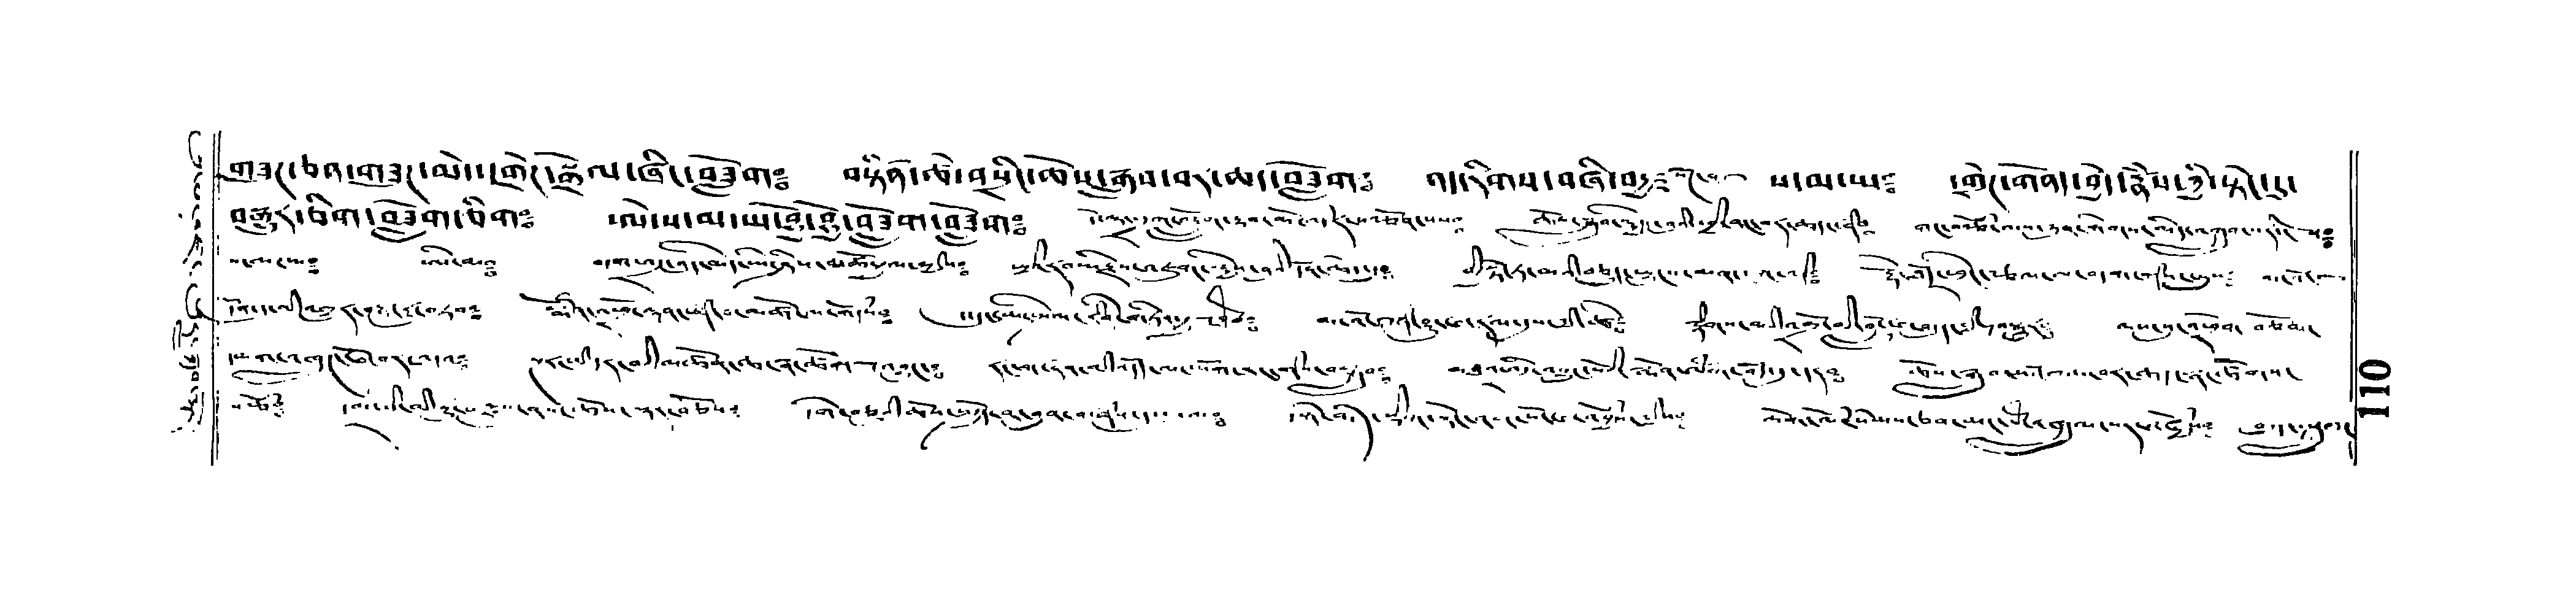གཟུགས་ཅན་གཟུགས་མེད་དགྲ་བགེགས་སྒྲོལ་ཞིང་བཟློག༔ བསྟན་འཛིན་ཚེ་བསྲིང་ཆོས་སྒྲུབ་བར་ཆད་བཟློག༔ ནད་རིགས་བཞི་བརྒྱ༴ སོགས་ནས༔ ས་མ་ཡ༔ དགྲ་བགེགས་གནོད་བྱེད་རྣམས་ཀྱི་སྟེང་དུ་
བསྒྱུར་ཅིག་བཟློག་ཅིག༔ ཨེ་ས་མ་ཡ་བྷྱོ་བྷྱོ་བཟློག་བཟློག༔ དེ་ལྟར་དྲག་བཟློག་ཟབ་མོ་འདིར་བརྩོན་པས༔ ཆོས་སྒྲུབ་སྐྱེས་བུའི་ཕྱི་ནང་བར་ཆད་ཞི༔ གང་བརྩམ་ལས་ཀུན་གེགས་མེད་འགྲུབ་པར་ངེས༔ 
ས་མ་ཡ༔ ཨེ་མ༔ བདག་འདྲ་བུད་མེད་ཡེ་ཤེས་མཚོ་རྒྱལ་གྱིས༔ ཕྱི་རབས་རྗེས་འཇུག་སྐྱེས་བུའི་དོན་ཆེད་དུ༔ བི་དྱོ་ཏ་མའི་བཅུད་ཕྱུངས་མན་ངག་འདི༔ རྡོ་རྗེ་ཐོད་ཕྲེང་རྩལ་ལ་བདག་གིས་ཞུས༔ མ་འོངས་
དོན་དུ་མི་འགྱུར་བརྡ་རུ་བཏབ༔ སྨོན་ལམ་འཕྲོ་ལྡན་ཞི་བ་མཚོ་ལ་གདམས༔ ད་དུང་མ་སྤེལ་རིན་ཆེན་གཏེར་རྒྱས་ཐོབ༔ མ་འོངས་ཉི་ཤུ་ཁ་རལ་དུས་ཀྱི་ཚེཿ སྙིགས་མའི་འགྲོ་བའི་བློ་ཁ་བདུད་ཀྱིས་བསྒྱུར༔ ལས་སུ་འཕྲོག་བཅོམ་
དམག་འཁྲུགས་ཁོ་ནས་འདའ༔ སྔར་མི་དར་བའི་མཚོན་ཆ་སྣ་ཚོགས་འབྱུང༔ རང་གཞན་མི་འདོད་ལ་ཡོག་རང་གིས་བསྒྲུབ༔ མཐའ་འདྲེ་འབྱུང་པོའི་སྨོན་ལོག་བོད་དུ་དར༔ ཆོས་སྒྲུབ་ཡོངས་ལ་བར་ཆད་སྣ་ཚོགས་
བརྩམ༔ དམ་སྲི་མི་རུ་བརྫུས་ནས་ཆོས་ལྟར་བཅོས༔ དགེ་བཅུའི་ཆོས་སྤྱོད་ན་བུན་བཞིན་དུ་ཡལ༔ དགེ་མེད་སྡིག་སྟོང་ནག་པོ་ཁ་འབྱམས་ཀྱིས༔ ལོག་ལམ་སེམས་ཅན་མང་པོ་འཁྲུལ་པར་འཁྱམས༔ བདུད་སྤྲུལ་